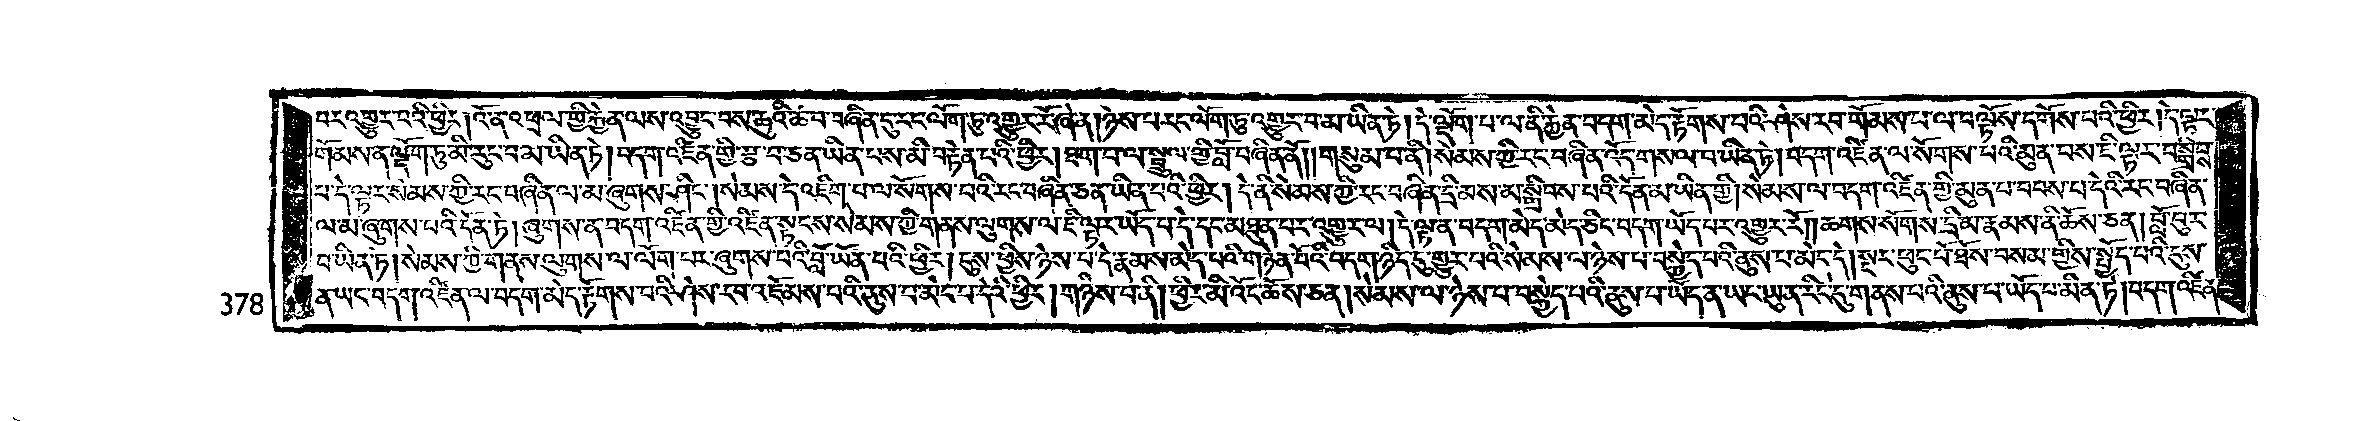བར་འགྱུར་བའི་ཕྱིར། འོ་ན་འཕྲལ་གྱི་རྐྱེན་ལས་འབྱུང་བས་ཆུའི་ཚ་བ་བཞིན་དུ་རང་ལོག་ཏུ་འགྱུར་རོ་ཞེ་ན། ཉེས་པ་རང་ལོག་ཏུ་འགྱུར་བ་མ་ཡིན་ཏེ། དེ་ལྡོག་པ་ལ་ནི་རྐྱེན་བདག་མེད་རྟོགས་པའི་ཤེས་རབ་གོམས་པ་ལ་བལྟོས་དགོས་པའི་ཕྱིར། དེ་ལྟར་
གོམས་ན་ལྡོག་ཏུ་མི་རུང་བ་མ་ཡིན་ཏེ། བདག་འཛིན་གྱི་རྩ་བ་ཅན་ཡིན་པས་མི་བརྟེན་པའི་ཕྱིར། ཐག་པ་ལ་སྦྲུལ་གྱི་བློ་བཞིན་ནོ། །གསུམ་པ་ནི། སེམས་ཀྱི་རང་བཞིན་འོད་གསལ་བ་ཡིན་ཏེ། བདག་འཛིན་ལ་སོགས་པའི་མུན་པས་ཇི་ལྟར་བསྒྲིབས་
པ་དེ་ལྟར་སེམས་ཀྱི་རང་བཞིན་ལ་མ་ཞུགས་ཤིང་། སེམས་དེ་འཇིག་པ་ལ་སོགས་པའི་རང་བཞིན་ཅན་ཡིན་པའི་ཕྱིར། དེ་ནི་སེམས་ཀྱི་རང་བཞིན་དྲི་མས་མ་སྒྲིབས་པའི་དོན་མ་ཡིན་གྱི། སེམས་ལ་བདག་འཛིན་གྱི་མུན་པ་བབས་པ་དེའི་རང་བཞི་
ལ་མ་ཞུགས་པའི་དོན་ཏེ། ཞུགས་ན་བདག་འཛིན་གྱི་འཛིན་སྟངས་སེམས་ཀྱི་གནས་ལུགས་ལ་ཇི་ལྟར་ཡོད་པ་དེ་དང་མཐུན་པར་འགྱུར་ལ། དེ་ལྟ་ན་བདག་མེད་མེད་ཅིང་བདག་ཡོད་པར་འགྱུར་རོ། །ཆགས་སོགས་དྲི་མ་རྣམས་ནི་ཆོས་ཅན། བློ་བུར་
བ་ཡིན་ཏེ། སེམས་ཀྱི་གནས་ལུགས་ལ་ལོག་པར་ཞུགས་པའི་བློ་ཡོན་པའི་ཕྱིར། དུས་ཕྱིས་ཉེས་པ་དེ་རྣམས་མེད་པའི་གཉེན་པོའི་བདག་ཉིད་དུ་གྱུར་པའི་སེམས་ལ་ཉེས་པ་བསྐྱེད་པའི་ནུས་པ་མེད་དེ། སྔར་ཕུང་པོ་ཐོས་བསམ་གྱིས་སྤྱོད་པའི་དུས་
ན་ཡང་བདག་འཛིན་ལ་བདག་མེད་རྟོགས་པའི་ཤེས་རབ་འཇོམས་པའི་ནུས་པ་མེད་པ་དེའི་ཕྱིར། གཉིས་པ་ནི། ཕྱིར་མི་འོང་ཆོས་ཅན། སེམས་ལ་ཉེས་པ་བསྐྱེད་པའི་ནུས་པ་ཡོད་ན་ཡང་ཡུན་རིང་དུ་གནས་པའི་ནུས་པ་ཡོད་པ་མིན་ཏེ། བདག་འཛིན་